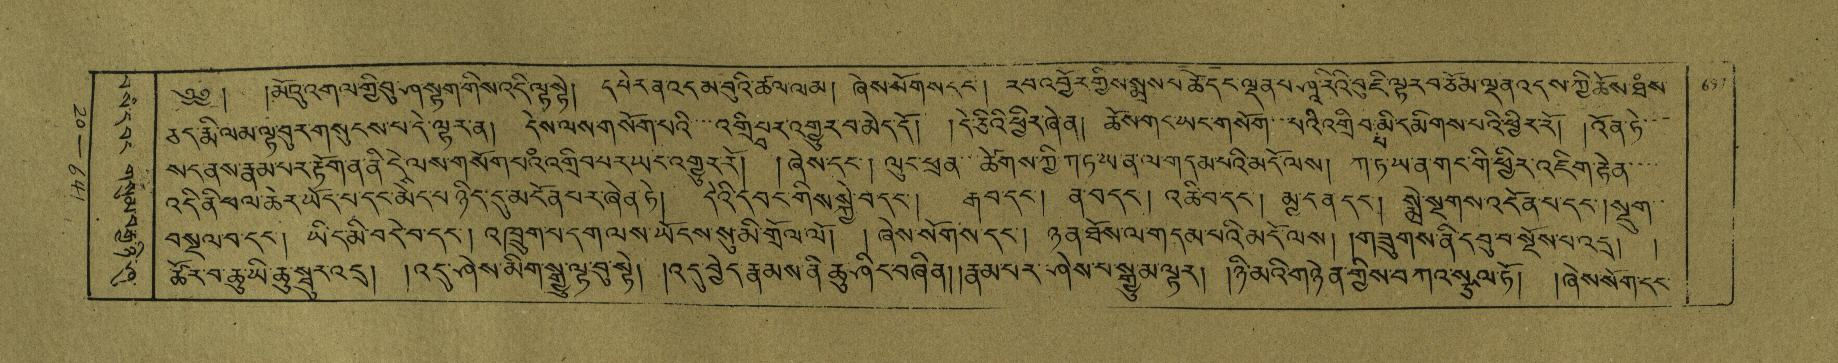༄༅། །མོའུ་འགལ་གྱི་བུ་ཤ་སྟག་གིས་འདི་ལྟ་སྟེ། དཔེར་ན་འདམ་བུའི་ཚལ་ལམ། ཞེས་སོགས་དང་། རབ་འབྱོར་གྱིས་སྨྲས་པ་ཚེ་དང་ལྡན་པ་ཤཱ་རིའི་བུ་ཇི་ལྟར་བཅོམ་ལྡན་འདས་ཀྱི་ཆོས་ཐཾས་
ཅད་རྨི་ལམ་ལྟ་བུར་གསུངས་པ་དེ་ལྟར་ན། དེས་ལས་གསོག་པའི་འགྲིབ་པར་འགྱུར་བ་མེད་དོ། །དེ་ཅིའི་ཕྱིར་ཞེ་ན། ཆོས་གང་ཡང་གསོག་པའི་འགྲིབ་པ་མི་དམིགས་པའི་ཕྱིར་རོ། །འོན་ཏེ་
སད་ནས་རྣམ་པར་རྟོག་ན་ནི་དེས་ལས་གསོག་པའཾ་འགྲིབ་པར་ཡང་འགྱུར་རོ། །ཞེས་དང་། ལུང་ཕྲན་ཚེགས་ཀྱི་ཀ་ཏ་ཡ་ན་ལ་གདམ་པའི་མདོ་ལས། ཀ་ཏ་ཡ་ན་གང་གི་ཕྱིར་འཇིག་རྟེན་
འདི་ནི་ཕལ་ཆེར་ཡོད་པ་དང་མེད་པ་ཉིད་དུ་མངོན་པར་ཞེན་ཏེ། དེའི་དབང་གིས་སྐྱེ་བ་དང་། རྒ་བ་དང་། ན་བ་དང་། འཆི་བ་དང་། མྱ་ངན་དང་། སྨྲེ་སྔགས་འདོན་པ་དང་། སྡུག་
བསྔལ་བ་དང་། ཡིད་མི་བདེ་བ་དང་། འཁྲུག་པ་དག་ལས་ཡོངས་སུ་མི་གྲོལ་ལོ། །ཞེས་སོགས་དང་། ཉན་ཐོས་ལ་གདམ་པའི་མདོ་ལས། །གཟུགས་ནི་དབུ་བ་སྔོས་པ་འདྲ། །
ཚོར་བ་ཆུ་ཡི་ཆུ་སྦུར་འདྲ། །འདུ་ཤེས་མིག་སྒྱུ་ལྟ་བུ་སྟེ། །འདུ་བྱེད་རྣམས་ནི་ཆུ་ཤིང་བཞིན། །རྣམ་པར་ཤེས་པ་སྒྱུ་མ་ལྟར། །ཉི་མའི་གཉེན་གྱིས་བཀའ་སྩལ་ཏོ། །ཞེས་སོག་དང་